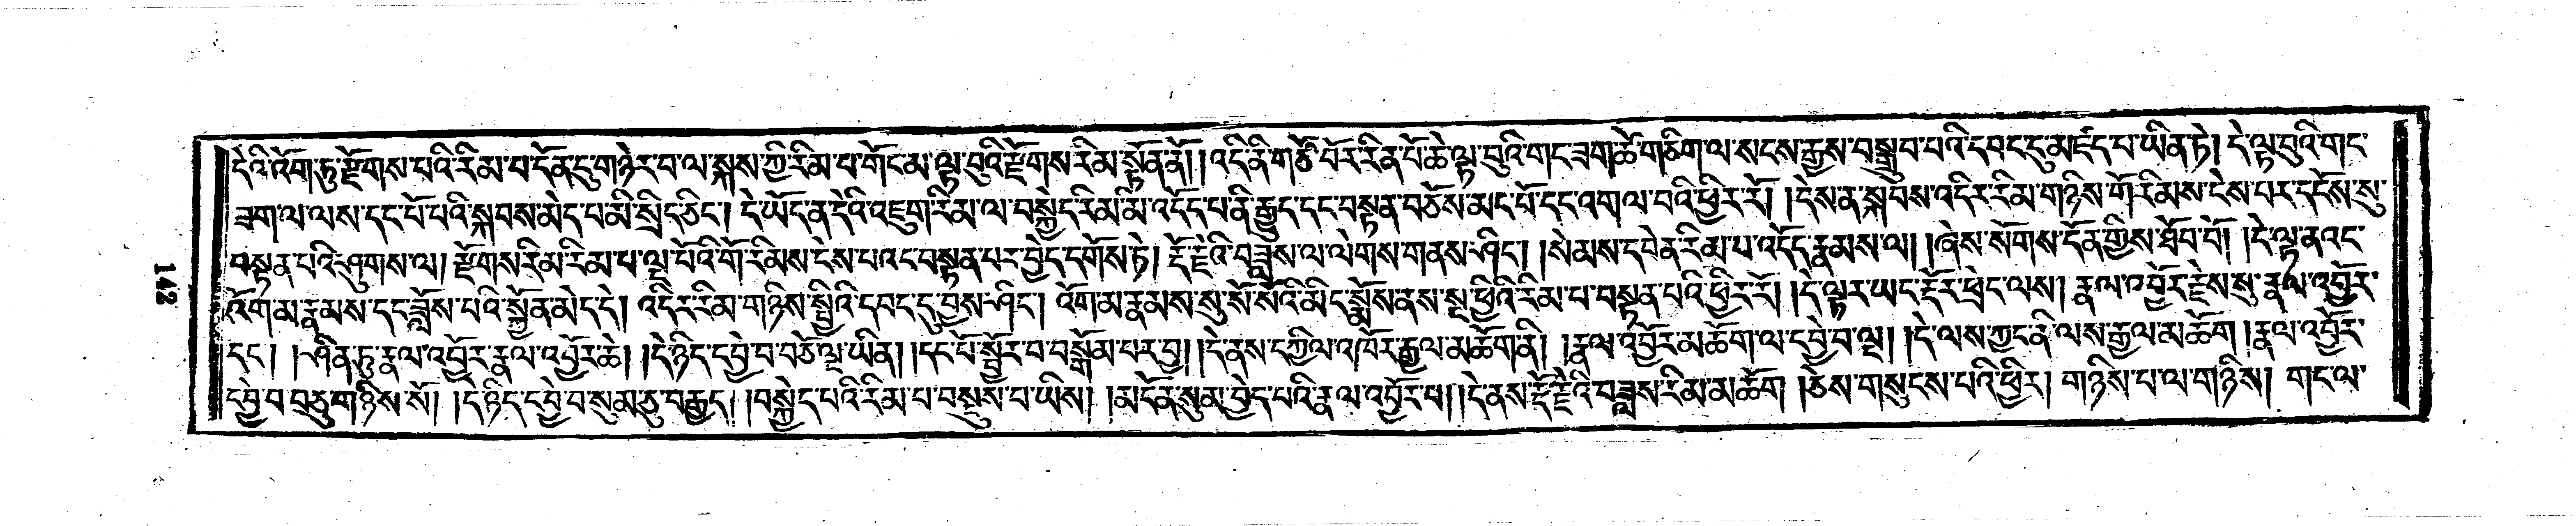དེའི་འོག་ཏུ་རྫོགས་པའི་རིམ་པ་དོན་དུ་གཉེར་བ་ལ་སྐས་ཀྱི་རིམ་པ་གོང་མ་ལྟ་བུའི་རྫོགས་རིམ་སྟོན་ནོ། །འདི་ནི་གཙོ་བོར་རིན་པོ་ཆེ་ལྟ་བུའི་གང་ཟག་ཚེ་གཅིག་ལ་སངས་རྒྱས་བསྒྲུབ་པའི་དབང་དུ་མཛད་པ་ཡིན་ཏེ། དེ་ལྟ་བུའི་གང་
ཟག་ལ་ལས་དང་པོ་བའི་སྐབས་མེད་པ་མི་སྲིད་ཅིང་། དེ་ཡོང་ན་དེའི་འཇུག་རིམ་ལ་བསྐྱེད་རིམ་མི་འདོད་པ་ནི་རྒྱུད་དང་བསྟན་བཅོས་མང་པོ་དང་འགལ་བའི་ཕྱིར་རོ། །དེས་ན་སྐབས་འདིར་རིམ་གཉིས་གོ་རིམས་ངེས་པར་དངོས་སུ་
བསྟན་པའི་ཤུགས་ལ། རྫོགས་རིམ་རིམ་པ་ལྔ་པོའི་གོ་རིམས་ངེས་པའང་བསྟན་པར་བྱེད་དགོས་ཏེ། རྡོ་རྗེའི་བཟླས་ལ་ལེགས་གནས་ཤིང་། །སེམས་དབེན་རིམ་པ་འདོད་རྣམས་ལ། །ཞེས་སོགས་དོན་གྱིས་ཐོབ་བོ། །དེ་ལྟ་ནའང་
འོག་མ་རྣམས་དང་ཟློས་པའི་སྐྱོན་མེད་དེ། འདིར་རིམ་གཉིས་སྤྱིའི་དབང་དུ་བྱས་ཤིང་། འོག་མ་རྣམས་སུ་སོ་སོའི་མིང་སྨོས་ནས་སྔ་ཕྱིའི་རིམ་པ་བསྟན་པའི་ཕྱིར་རོ། །དེ་ལྟར་ཡང་རྡོར་ཕྲེང་ལས། རྣལ་འབྱོར་རྗེས་སུ་རྣལ་འབྱོར་
དང་། །ཤིན་ཏུ་རྣལ་འབྱོར་རྣལ་འབྱོར་ཆེ། །དེ་ཉིད་དབྱེ་བ་བཅོ་ལྔ་ཡིན། །དང་པོ་སྦྱོར་བ་བསྒོམ་པར་བྱ། །དེ་ནས་དཀྱིལ་འཁོར་རྒྱལ་མཆོག་ནི། །རྣལ་འབྱོར་མཆོག་ལ་དབྱེ་བ་ལྔ། །དེ་ལས་ཀྱང་ནི་ལས་རྒྱལ་མཆོག །རྣལ་འབྱོར་
དབྱེ་བ་བཅུ་གཉིས་སོ། །དེ་ཉིད་དབྱེ་བ་སུམ་ཅུ་བརྒྱད། །བསྐྱེད་པའི་རིམ་པ་བསྡུས་པ་ཡིས། །མངོན་སུམ་བྱེད་པའི་རྣལ་འབྱོར་བ། །དེ་ནས་རྡོ་རྗེའི་བཟླས་རིམ་མཆོག །ཅེས་གསུངས་པའི་ཕྱིར། གཉིས་པ་ལ་གཉིས། གང་ལ་